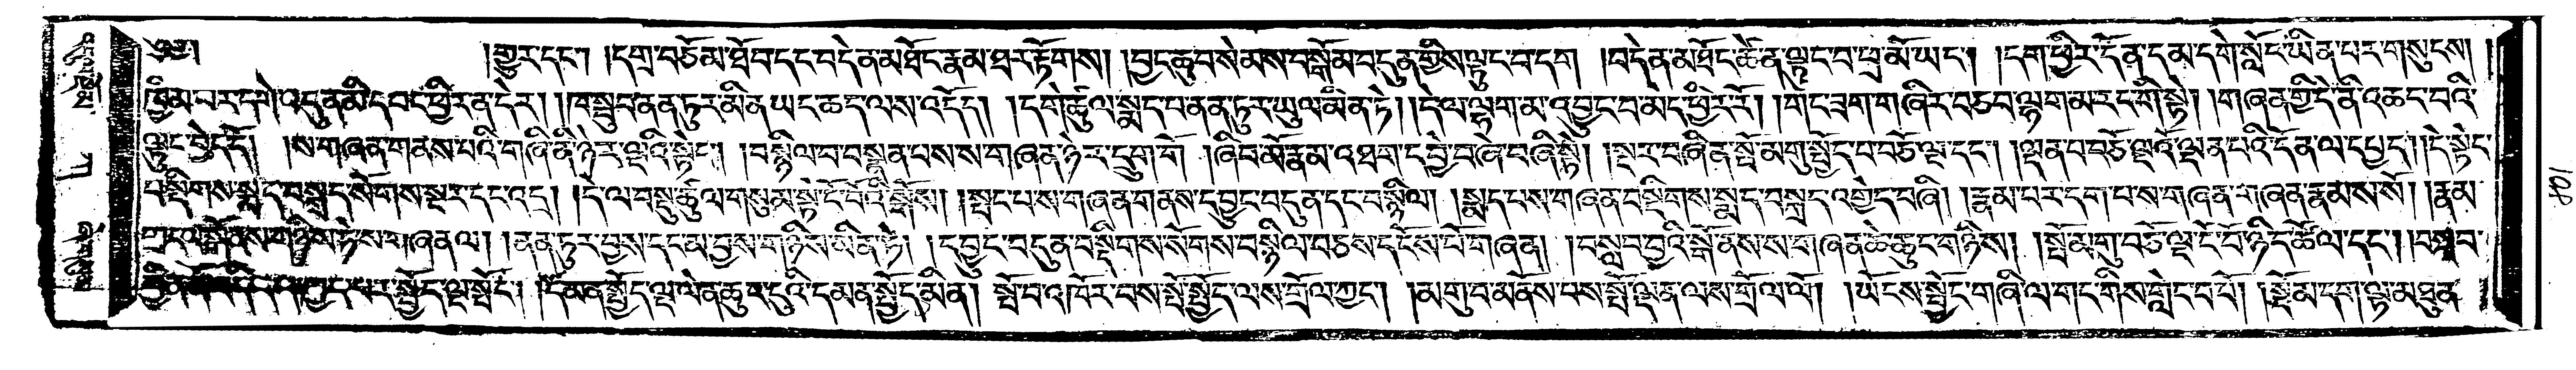༄༅། །གྱུར་དང་། །དགྲ་བཅོམ་ཐོབ་དང་བདེན་མཐོང་རྣམ་ཐར་རྟོགས། །བྱང་ཆུབ་སེམས་བསྒོམ་བདུན་གྱིས་ལྟུང་བ་དག །བདེན་མཐོང་ཚེ་ན་ལྟུང་བ་ཕྲ་མོ་ཡང་། །དག་ཕྱིར་དོན་དམ་དགེ་སློང་ཡིན་པར་གསུངས།།
ཁྱིམ་པར་དགེ་འདུན་མི་དབང་ཕྱིར་ན་དེར། །ཁ་སྡུབ་ནན་ཏུར་མིན་ཡང་ཆད་ལས་འདོད། །དགེ་ཚུལ་སྨད་པ་ནན་ཏུར་ཡུལ་མིན་ཏེ། །དེ་ལ་ལྷག་མ་འབྱུང་བ་མེད་ཕྱིར་རོ། །གང་ཟག་གཞིར་བཅབ་ལྷག་མ་རང་གི་སྟེ། །གཞན་གྱི་དེ་ནི་འཆང་བའི་
ལྟུང་བྱེད་དོ། །ས་གཞན་གནས་པའི་གཞི་ནི་ཉེར་ལྔའི་སྟེང་། །བསྙིལ་བ་བསྣན་པས་ས་གཞན་ཉེར་དྲུག་གོ །ཞིབ་མོ་རྣམ་འཐག་དབྱེ་བ་ཞེ་བཞི་སྟེ། །སྔར་བཞིན་སྤོ་མགུ་སྤྱོད་པ་བཅོ་ལྔ་དང་། །ལྡན་པ་བཅོ་ལྔའོ་ལྡན་པའི་དོན་ལ་དཔྱད། །དེ་སྟེང་
བསྡིགས་སྨད་བསྐྲད་སོགས་སྔར་དང་འདྲ། །དེ་ལ་བསྡུ་ཚུལ་གསུམ་སྟེ་ངོ་བོའི་སྒོས། །སྤང་པས་གཞན་གནས་དབྱུང་བདུན་དང་བསྙིལ། །སྨད་པས་གཞན་བསྡིགས་སྨད་བསྐྲད་འགྱེད་བཞི། །རྣམ་པར་དག་པས་གཞན་གཞན་རྣམས་སོ། །རྣམ་
གྲངས་སྒོ་ནས་གཉིས་ཏེ་ས་གཞན་ལ། །ནན་ཏུར་བྱས་དང་མ་བྱས་གཉིས་ཡིན་ཏེ། །དབྱུང་བདུན་བསྡིགས་སོགས་བསྙིལ་བཅས་དངོས་པོ་གཞན། །བསླབ་བྱའི་སྒོ་ནས་ས་གཞན་ཆེ་ཆུང་གཉིས། །སྤོ་མགུ་བཅོ་ལྔ་ངོ་བོ་ཉིད་ཚོལ་དང་། །བསླབ་
བྱིན་ནོ་འདི་དག་ཁྱད་པར་སྤྱོད་ལྔ་སྤོང་། །དམན་སྤྱོད་ལྔ་ལེན་ཆུང་དུའི་དམན་སྤྱོད་མིན། སྤོ་བ་འཁོར་བས་སྤོ་སྤྱོད་ལས་གྲོལ་ཀྱང་། །མགུ་བ་མནོས་པས་སྤོ་ལྡན་ལས་གྲོལ་ལོ། །ཡོངས་སྦྱོང་གཞི་ལ་གང་གིས་གླེང་བ་པོ། །སྡོམ་དག་ལྟ་མཐུན་